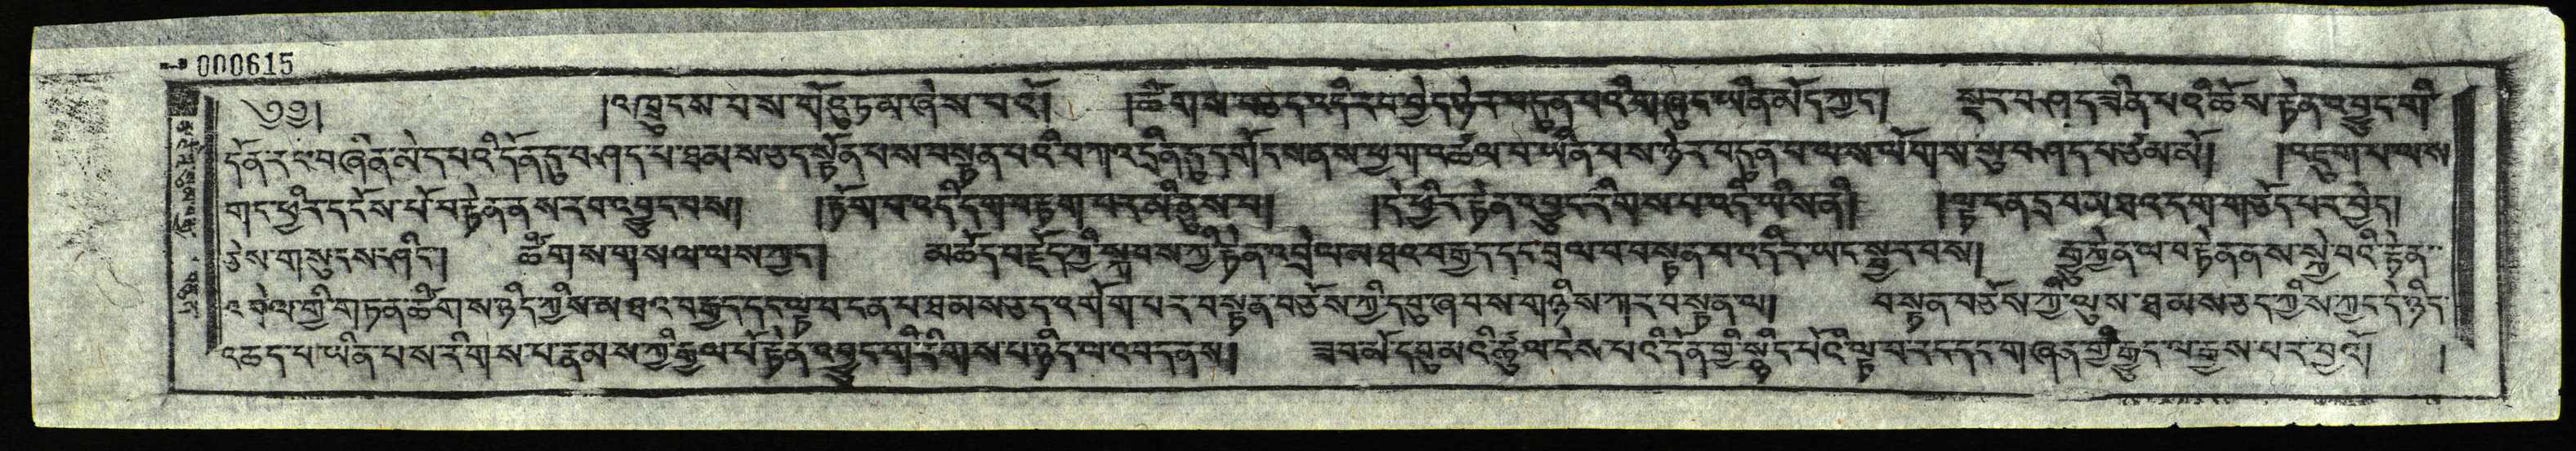༄༅། །འཁྲུངས་པས་གོའུ་ཏ་མ་ཞེས་པའོ། །ཚིགས་བཅད་འདི་རབ་བྱེད་ཉེར་བདུན་པའི་གཞུང་ཡིན་མོད་ཀྱང་། སྔར་བཤད་ཟིན་པའི་ཆོས་རྟེན་འབྱུང་གི་
དོན་རང་བཞིན་མེད་པའི་དོན་དུ་བཤད་པ་ཐམས་ཅད་སྟོན་པས་བསྟན་པའི་བཀའ་དྲིན་དུ་དགོངས་ནས་ཕྱག་འཚལ་བ་ཡིན་པས་ཉེར་བདུན་པ་ལས་ལོགས་སུ་བཤད་པ་ཙམ་མོ། །འཇུག་པ་ལས་
གང་ཕྱིར་དངོས་པོ་བརྟེན་ནས་རབ་འབྱུང་བས། །རྟོག་པ་འདི་དག་བརྟག་པར་མི་ནུས་བ། །དེ་ཕྱིར་རྟེན་འབྱུང་རིགས་པ་འདི་ཡིས་ནི། །ལྟ་ངན་དྲ་བ་མཐའ་དག་གཅོད་པར་བྱེད།
ཅེས་གསུངས་ཤིང་། ཚིགས་གསལ་ལས་ཀྱང་། མཆོད་བརྗོད་ཀྱི་སྐབས་ཀྱི་རྟེན་འབྲེལ་མཐའ་བརྒྱད་དང་བྲལ་བ་བསྟན་པ་འདིར་ཡང་སྦྱར་བས། རྒྱུ་རྐྱེན་ལ་བརྟེན་ནས་སྐྱེ་བའི་རྟེན་
འབྲེལ་གྱི་གཏན་ཚིགས་ཉིད་ཀྱིས་མཐའ་བརྒྱད་དང་ལྟ་བ་ངན་པ་ཐམས་ཅད་འགོག་པར་བསྟན་བཅོས་ཀྱི་དབུ་ཞབས་གཉིས་ཀར་བསྟན་ལ། བསྟན་བཅོས་ཀྱི་ལུས་ཐམས་ཅད་ཀྱིས་ཀྱང་དེ་ཉིད་
འཆད་པ་ཡིན་པས་རིགས་པ་རྣམས་ཀྱི་རྒྱལ་པོ་རྟེན་འབྱུང་གི་རིགས་པ་ཉིད་ལ་འབད་ནས། ཟབ་མོ་དབུ་མའི་ཚུལ་ངེས་པའི་དོན་གྱི་སྙིང་པོའི་ལྟ་བ་རང་དང་གཞན་གྱི་རྒྱུད་ལ་རྒྱས་པར་བྱའོ། །